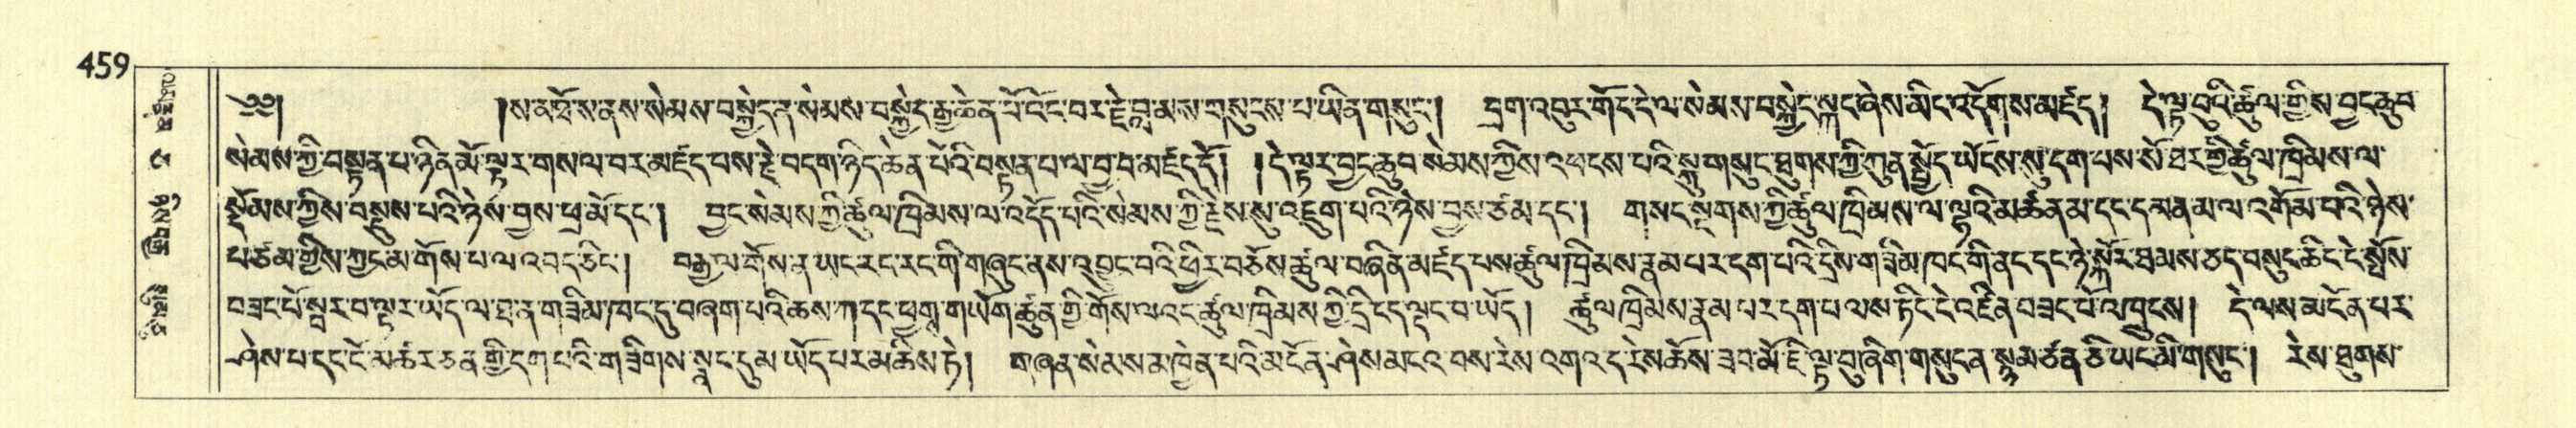༄༅། །ས་མཐོ་ས་ནས་སེམས་བསྐྱེད་ན་སེམས་བསྐྱེད་རྒྱ་ཆེན་པོ་འོང་བར་རྗེ་བླ་མས་གསུངས་པ་ཡིན་གསུང་། བྲག་འབུར་གོང་དེ་ལ་སེམས་བསྐྱེད་སྐང་ཞེས་མིང་འདོགས་མཛད། དེ་ལྟ་བུའི་ཚུལ་གྱིས་བྱང་ཆུབ་
སེམས་ཀྱི་བསྟན་པ་ཉིན་མོ་ལྟར་གསལ་བར་མཛད་པས་རྗེ་བདག་ཉིད་ཆེན་པོའི་བསྟན་པ་ལ་བྱ་བ་མཛད་དོ། །དེ་ལྟར་བྱང་ཆུབ་སེམས་ཀྱིས་འཕངས་པའི་སྐུ་གསུང་ཐུགས་ཀྱི་ཀུན་སྤྱོད་ཡོངས་སུ་དག་པས་སོ་ཐར་གྱི་ཚུལ་ཁྲིམས་ལ་
སྡོམས་ཀྱིས་བསྡུས་པའི་ཉེས་བྱས་ཕྲ་མོ་དང་། བྱང་སེམས་ཀྱི་ཚུལ་ཁྲིམས་ལ་འདོད་པའི་སེམས་ཀྱི་རྗེས་སུ་འཇུག་པའི་ཉེ་བྱས་ཙམ་དང་། གསང་སྔགས་ཀྱི་ཚུལ་ཁྲིམས་ལ་ལྷའི་མཚན་མ་དང་དམན་མ་ལ་འགོམ་པའི་ཉེས་
པ་ཙམ་གྱིས་ཀྱང་མ་གོས་པ་ལ་འབད་ཅིང་། བརྒྱལ་གོས་ན་ཡང་རང་རང་གི་གཞུང་ནས་འབྱུང་བའི་ཕྱིར་བཅོས་ཚུལ་བཞིན་མཛད་པས་ཚུལ་ཁྲིམས་རྣམ་པར་དག་པའི་དྲིས་གཟིམ་ཁང་གི་ནང་དང་ཉེ་སྐོར་ཐམས་ཅད་བསུང་ཆིང་ངེ་སྤོས་
བཟང་པོ་སྦར་བ་ལྟར་ཡོད་ལ་ཐ་ན་གཟིམ་ཁང་དུ་བཞག་པའི་ཆས་ཀ་དང་ཕྱགས་གཡོག་ཚུལ་གྱི་གོས་ལའང་ཚུལ་ཁྲིམས་ཀྱི་དྲི་ངད་ལྡང་བ་ཡོད། ཚུལ་ཁྲིམས་རྣམ་པར་དག་པ་ལས་ཏིང་ངེ་འཛིན་བཟང་པོ་འཁྲུངས། དེ་ལས་མངོན་པར་
ཤེས་པ་དང་ངོ་མཚར་ཅན་གྱི་དག་པའི་གཟིགས་སྣང་དུ་མ་ཡོད་པར་མཆིས་ཏེ། གཞན་སེམས་མཁྱེན་པའི་མངོན་ཤེས་མངའ་བས་རེས་འགའ་ད་རེས་ཆོས་ཟབ་མོ་ཇི་ལྟ་བུ་ཞིག་གསུང་ན་སྙམ་ཙན་ཅི་ཡང་མི་གསུང་། རེས་ཐུགས་